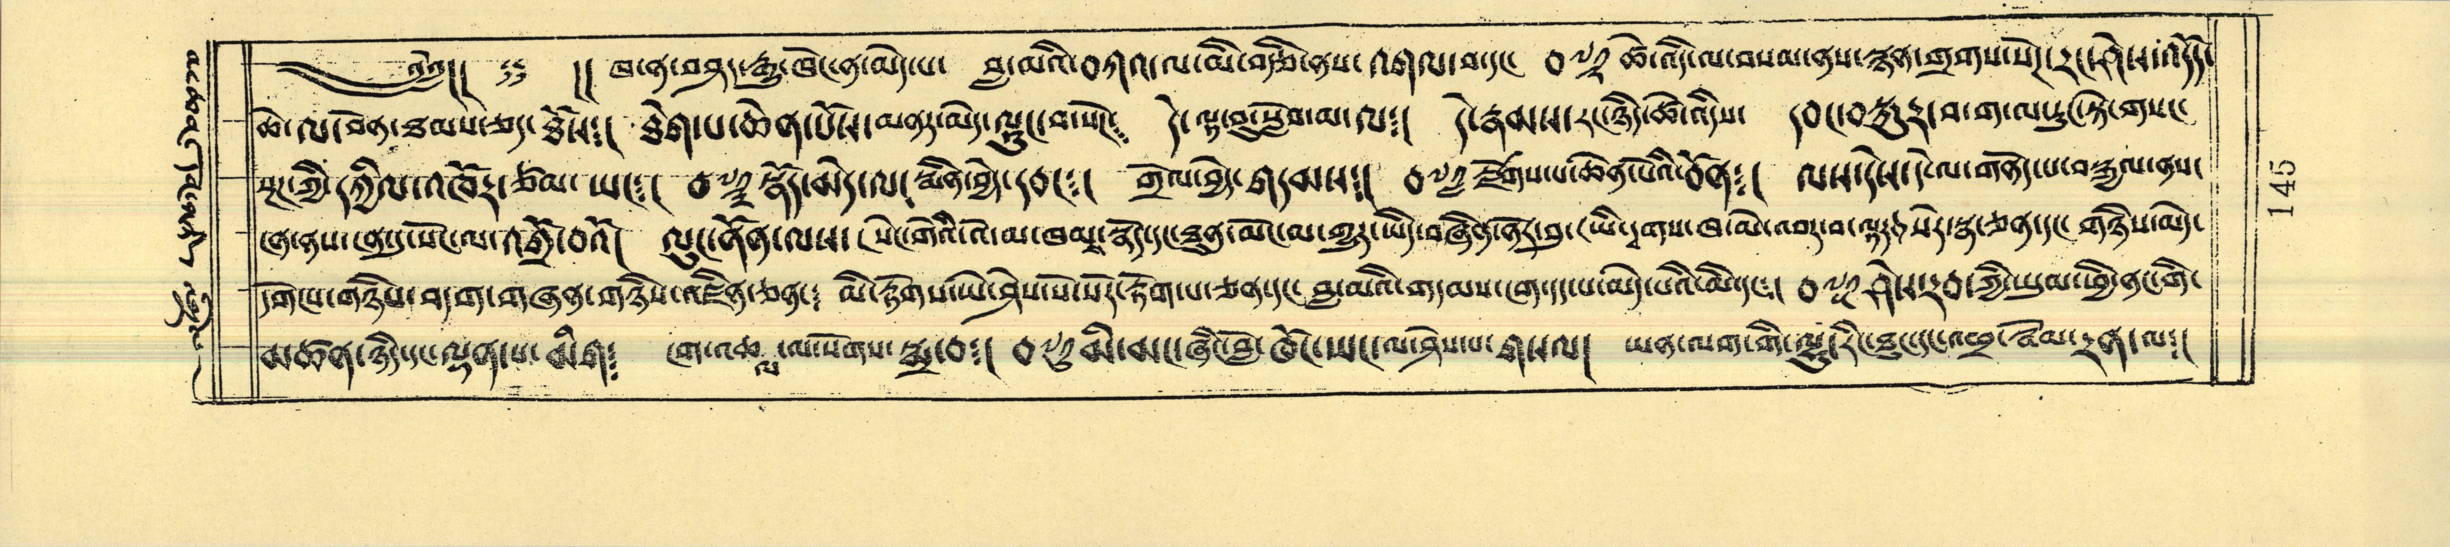ཁ་ན་བཤད་རྒྱུ་ཁོང་ན་མེད་པ། བླ་མའི་༼བཀའ༽ལ་མི་བརྩི་ནས་འགལ་བ་དང་བ༧༡།༢ ཚེ་འདི་ལ་བསམ་ནས་སྙན་གྲགས་སོགས་༼རང་ཤེས་འདོད༽
ཆེ་ལ་བོན་ཐམས་ཅད་༼ཐོས་ཐེག་པ་ཆེན་པོས་མནར་མེད་ལྟུང་བ་སོགས་དེ་ལྟ་བུ་སློབ་མ་༼ལ༽༼དེ་རྣམས༽རང་ཉིད་ཚེ་འདིས་༼དབང་བསྐུར་བ༽ག་ལ་རུང་སྟེ་གསང་
སྔགས་ཀྱི་༼དཀྱིལ་འཁོར༽ཙམ་༼ཡང༽བ༧༡།༣༼སྣོད་མེད་ལ༽སྨིན་བྱེད་༼དབང་༽གྲོལ་བྱེད་༼གདམས༽བ༧༡།༤ རྫོགས་པ་ཆེན་པོའི་༼བོན་༽༼ལས་དེས༽དེ་ལ་གནོད་པ་བསྐྱལ་ནས་
ངན་ནས་ངན་དུ་སོང་ལ་༼འགྲོ་བའོ༽༼ལུང་ནོན་ལས༽སེང་གེའི་འོ་མ་ཁམས་སྣོད་དང་ཐུན་མོང་མ་གྱུར་ཡིད་བཞིན་ནོར་བུ་ཡི་དྭགས་ཁ་མེ་འབར་བ་ལྟར་སེར་སྣ་ཅན་དང་། གཉིས་མེད་
དགོངས་གཉིས་བདག་གཞན་གཉིས་འཛིན་ཅན། མི་རྟོག་ཡེ་ཤེས་སོ་སོར་རྟོག་པ་ཅན་དང་། བླ་མའི་གདམས་ངག་དད་པ་མེད་པའི་མི་དང་། བ༧༡།༼ཤེས་རབ༽ཀྱི་ཡུམ་ཕྱི་ནང་གི་
༼མཚན༽ཉིད་དང་༼ལྡན༽པ་༼མིག༽ངག་འཁྱལ་ལ་སོགས་༼སྨྲ་བ༽བ༧༡།༦༼མི་མང་༽ཞིང་བློ་༼ཁོང་ཡངས༽ལ་ཤེས་པ་༼གསལ༽༼སྨྲ་བ༽བ༧༡།༦༼མི་མང༽ཞིང་བློ་༼ཁོང་ཡངས༽ལ་ཤེས་པ་༼གསལ༽ཡན་ལག་གི་༼ལྷུ་རིང་༽ཐུང་དང་འཕྲ་སྦོམ་༼རན༽ལ་